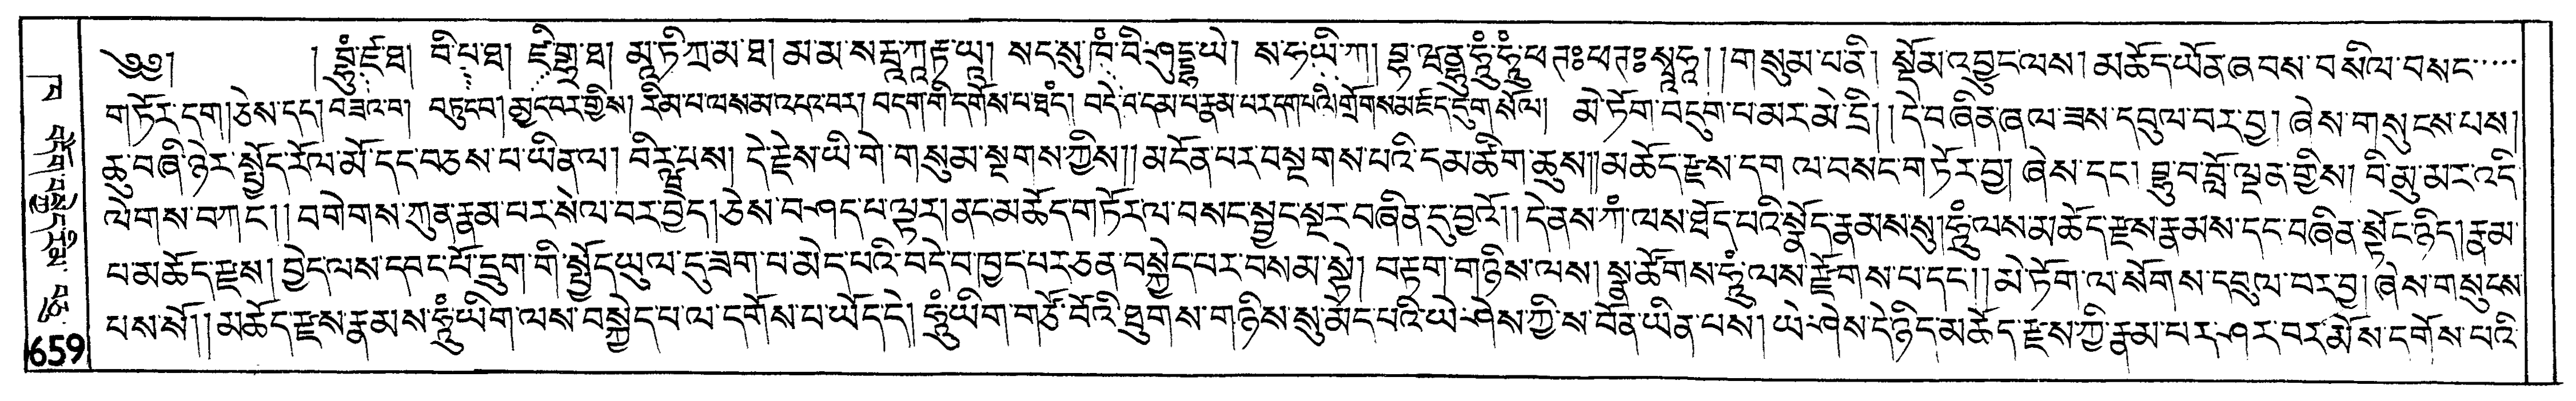༄༅། །བྷུཾ་ཛ་ཐ། བི་པ་ཐ། ཛི་གྷྲ་ཐ། མཱ་ཏི་ཀྲ་མ་ཐ། མ་མ་སརྦཱ་ཀཱ་རྟ་ཡཱ། སང་སུ་ཁཾ་བི་ཤུདྡྷ་ཡེ། ས་ཧ་ཡི་ཀ། བྷ་ཝནྷུ་ཧཱུཾ་ཧཱུཾ་ཕཊཿ ཕཊཿ སྭཱཧཱ། །གསུམ་པ་ནི། སྡོམ་འབྱུང་ལས། མཆོད་ཡོན་ཞབས་བསིལ་བསང་
གཏོར་དག །ཅེས་དང་། བཟའ་བ། བཏུང་བ། མྱང་བར་གྱིས། རིམ་པ་ལས་མ་འྔའ་བར། བདག་གི་དགོས་པ་ཐམས་ཅད། བདེ་བ་དམ་པ་རྣམ་པར་དག་པའི། གྲོགས་མཛད་དུ་གསོལ། མེ་ཏོག་བདུག་པ་མར་མེ་དྲི། །དེ་བཞིན་ཞལ་ཟས་དབུལ་བར་བྱ། ཞེས་གསུངས་པས།
ཆུ་བཞི་ཉེར་སྤྱོད་རོལ་མོ་དང་བཅས་པ་ཡིན་ལ། བིརྭ་པས། དེ་རྗེས་ཡི་གེ་གསུམ་སྔགས་ཀྱིས། །མངོན་པར་བསྔགས་པའི་དམ་ཚིག་ཆུས། །མཆོད་རྫས་དག་ལ་བསང་གཏོར་བྱ། ཞེས་དང་། བྷུ་བ་བློ་ལྡན་གྱིས། བི་མུ་མར་འདི་
ལེགས་བཀང་། །བགེགས་ཀུན་རྣམ་པར་སེལ་བར་བྱེད། ཅེས་བཤད་པ་ལྟར། ནང་མཆོད་གཏོར་ལ་བསང་སྦྱང་སྔར་བཞིན་དུ་བྱའོ། །དེ་ནས་ཀཾ་ལས་ཐོད་པའི་སྣོད་རྣམས་སུ། ཧཱུཾ་ལས་མཆོད་རྫས་རྣམས་དང་བཞིན་སྟོང་ཉིད། རྣམ་
པ་མཆོད་རྫས། བྱེད་ལས་དབང་པོ་དྲུག་གི་སྤྱོད་ཡུལ་དུ་ཟག་པ་མེད་པའི་བདེ་བ་ཁྱད་པར་ཅན་བསྐྱེད་པར་བསམ་སྟེ། བརྟག་གཉིས་ལས། སྣ་ཚོགས་ཧཱུཾ་ལས་རྫོགས་པ་དང་། །མེ་ཏོག་ལ་སོགས་དབུལ་བར་བྱ། ཞེས་གསུངས་
པས་སོ། །མཆོད་རྫས་རྣམས་ཧཱུཾ་ཡིག་ལས་བསྐྱེད་པ་ལ་དགོས་པ་ཡོད་དེ། ཧཱུཾ་ཡིག་གཙོ་བོའི་ཐུགས་གཉིས་སུ་མེད་པའི་ཡེ་ཤེས་ཀྱི་ས་བོན་ཡིན་པས། ཡེ་ཤེས་དེ་ཉིད་མཆོད་རྫས་ཀྱི་རྣམ་པར་ཤར་བར་མོས་དགོས་པའི་